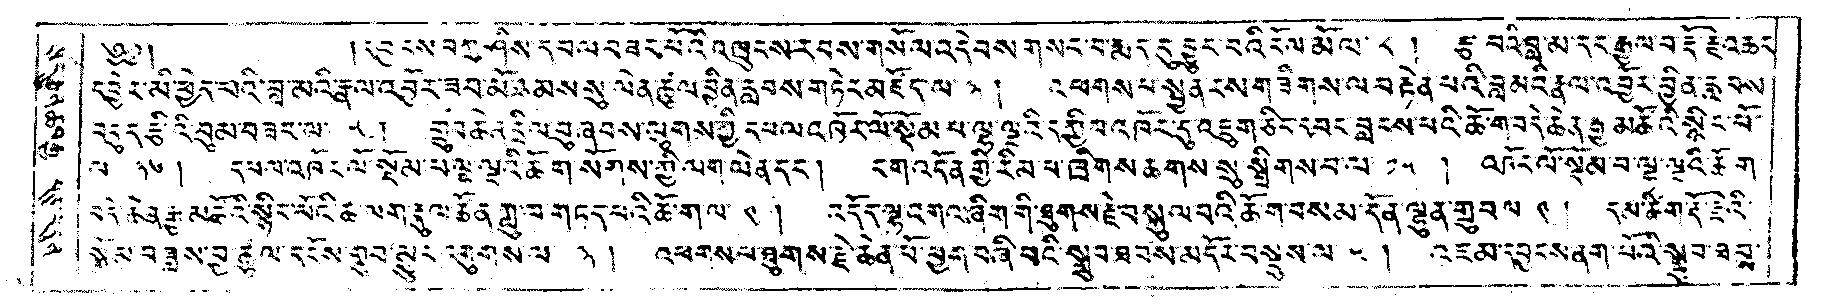༄༅། །དབྱངས་བཀྲ་ཤིས་དཔལ་བཟང་པོའི་འཁྲུངས་རབས་གསོལ་འདེབས་གསང་བ་རྨད་དུ་བྱུང་བའི་རོལ་མོ་ལ ༨། རྩ་བའི་བླ་མ་དང་རྒྱལ་བ་རྡོ་རྗེ་འཆང་
དབྱེར་མི་ཕྱེད་པའི་བླ་མའི་རྣལ་འབྱོར་ཟབ་མོ་ཉམས་སུ་ལེན་ཚུལ་བྱིན་རླབས་གཏེར་མཛོད་ལ ༣། འཕགས་པ་སྤྱན་རས་གཟིགས་ལ་བརྟེན་པའི་བླ་མའི་རྣལ་འབྱོར་བྱིན་རླབས་
བདུད་རྩིའི་བུམ་བཟང་ལ ༥། གྲུབ་ཆེན་དྲིལ་བུ་ཞབས་ལུགས་ཀྱི་དཔལ་འཁོར་ལོ་སྡོམ་པ་ལྷ་ལྔའི་དཀྱིལ་འཁོར་དུ་འཇུག་ཅིང་དབང་བླངས་པའི་ཆོ་ག་བདེ་ཆེན་རྒྱ་མཚོའི་སྙིང་པོ་
ལ ༢༦། དཔལ་འཁོར་ལོ་སྡོམ་པ་ལྷ་ལྔའི་ཆོ་ག་སོགས་ཀྱི་ལག་ལེན་དང་། ངག་འདོན་གྱི་རིམ་པ་ཁྲིགས་ཆགས་སུ་སྒྲིགས་པ་ལ ༡༥། འཁོར་ལོ་སྡོམ་པ་ལྷ་ལྔའི་ཆོ་ག་
བདེ་ཆེན་རྒྱ་མཚོའི་སྙིང་པོའི་ཚ་ལག་རྡུལ་ཚོན་ཀླུ་ལ་གཏད་པའི་ཆོ་ག་ལ ༤། འདོད་ལྷ་འགའ་ཞིག་གི་ཐུགས་རྗེ་བསྐུལ་བའི་ཆོ་ག་བསམ་དོན་ལྷུན་གྲུབ་ལ ༤། དམ་ཚིག་རྡོ་རྗེའི་
སྒོམ་བཟླས་བྱ་ཚུལ་དངོས་གྲུབ་མྱུར་འགུགས་ལ ༣། འཕགས་པ་ཐུགས་རྗེ་ཆེན་པོ་ཕྱག་བཞི་པའི་སྒྲུབ་ཐབས་མདོར་བསྡུས་ལ ༥། འཇམ་དབྱངས་ནག་པོའི་སྒྲུབ་ཐབས་